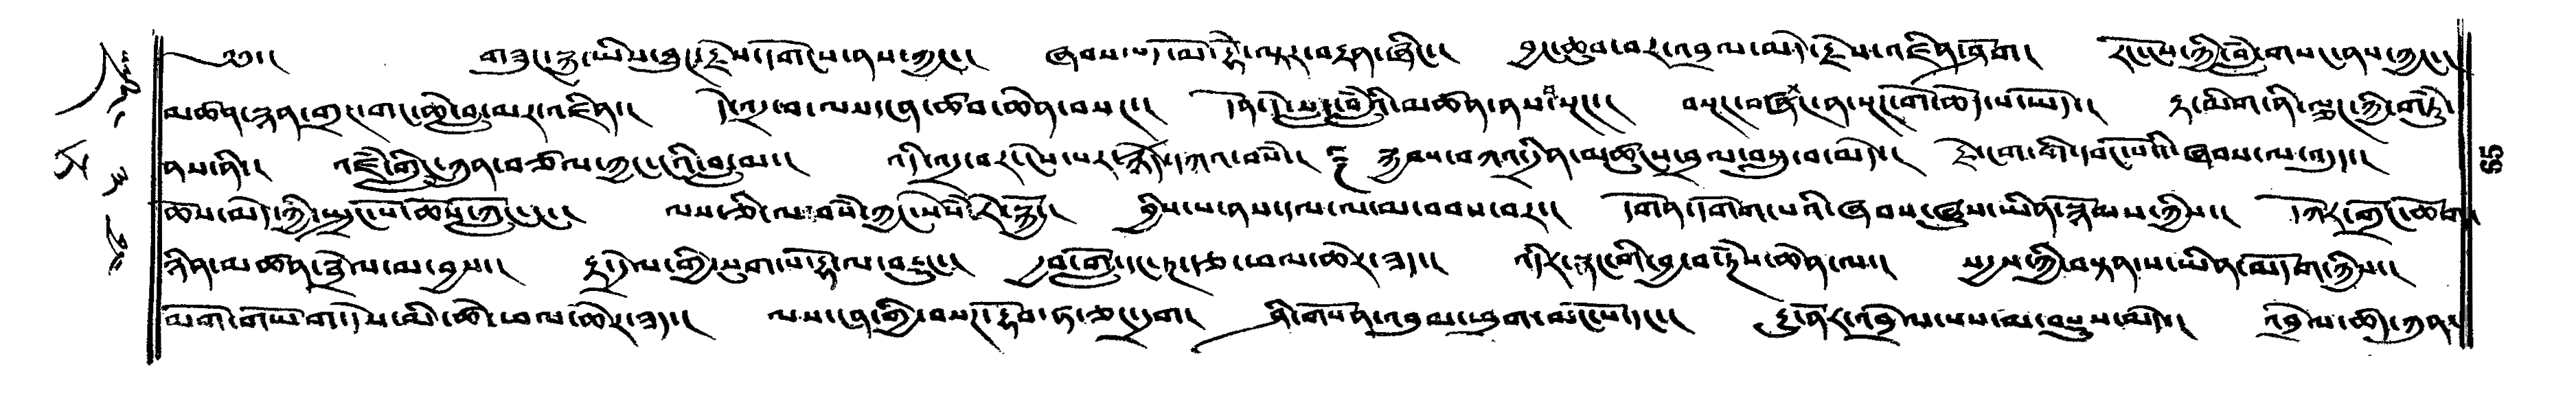།གཟུགས་སྐུ་ཡིས་ཐུགས་རྗེས་དགོངས་ནས་ཀྱང་། །ཞབས་པད་མོ་རྡོ་རྗེ་ལྟར་བརྟན་ཞིང་། །བྱང་ཆུབ་བར་འབྲལ་མེད་རྗེས་འཛིན་ཤོག །རང་ངོས་ཀྱི་བླ་མ་གསང་ནས་ཀྱང་། །
མཚན་སྙན་གྲགས་གང་ཆེ་བླ་མར་འཛིན། །དེ་འདྲ་བས་ལས་ངན་ཚབས་ཆེན་གསོག །དོན་དེ་སླད་བླ་མའི་མཚན་ནས་བསྔགས། །བསྔགས་ན་སྔགས་གོ་ཆོད་པ་ཡོད། །རྟ་མིག་ནི་ལྕགས་ཀྱི་མཏུམས་
ནས་ནི། །འཛམ་གླིང་ཀུན་བཙལ་ཀྱང་ངའི་བླ་མ། འདི་འདྲ་བ་ངེས་པར་རྙེད་དཀའ་བསམ། ༈ སྐྱབས་བཀའ་དྲིན་མཚུངས་བྲལ་བསླུ་བ་མེད། རྗེ་ངག་གི་དབང་པོའི་ཞབས་ལ་འདུད། 
ཆོས་མེད་ཀྱི་སྤྲང་པོ་ཆོས་གླང་ང་། །ལས་ཅི་ལ་བསམ་ཀྱང་སེམས་རེ་སྐྱོ། །བྱིས་པ་ནས་དར་ལ་མ་བབས་བར། །དགོན་གོག་པའི་ཞབས་ཞུ་ཡིན་སྙམ་གྱིས། །དཀོར་གྲོང་ཆོག་
ཉིན་མཚན་སྦྲེལ་མ་བྱས། །རྟ་དྲེལ་གྱི་སུག་པ་རྡོ་ལ་བརྡུངས། །རྒྱབ་གློ་དང་རྔ་རྩ་ཕལ་ཆེར་ཟད། །འདིར་སྣང་གི་བྱ་བ་རྔམས་ཆེན་ལ། སངས་རྒྱས་ཀྱི་བསྟན་པ་ཡིན་མདོག་གིས། །
མགོ་གཡོགས་དེ་མི་ཚེ་ཕལ་ཆེར་ཟད། །ལས་ངན་གྱི་བསགས་རྡོབ་ཧ་ཅང་དྲག །ཤི་གསོན་འབུམ་ཕྲག་མང་པོ་དང་། །རྒྱུ་ནོར་འབྲེལ་པས་མ་བསྡུས་མེད། །འབྲེལ་ཚད་ཀུན་